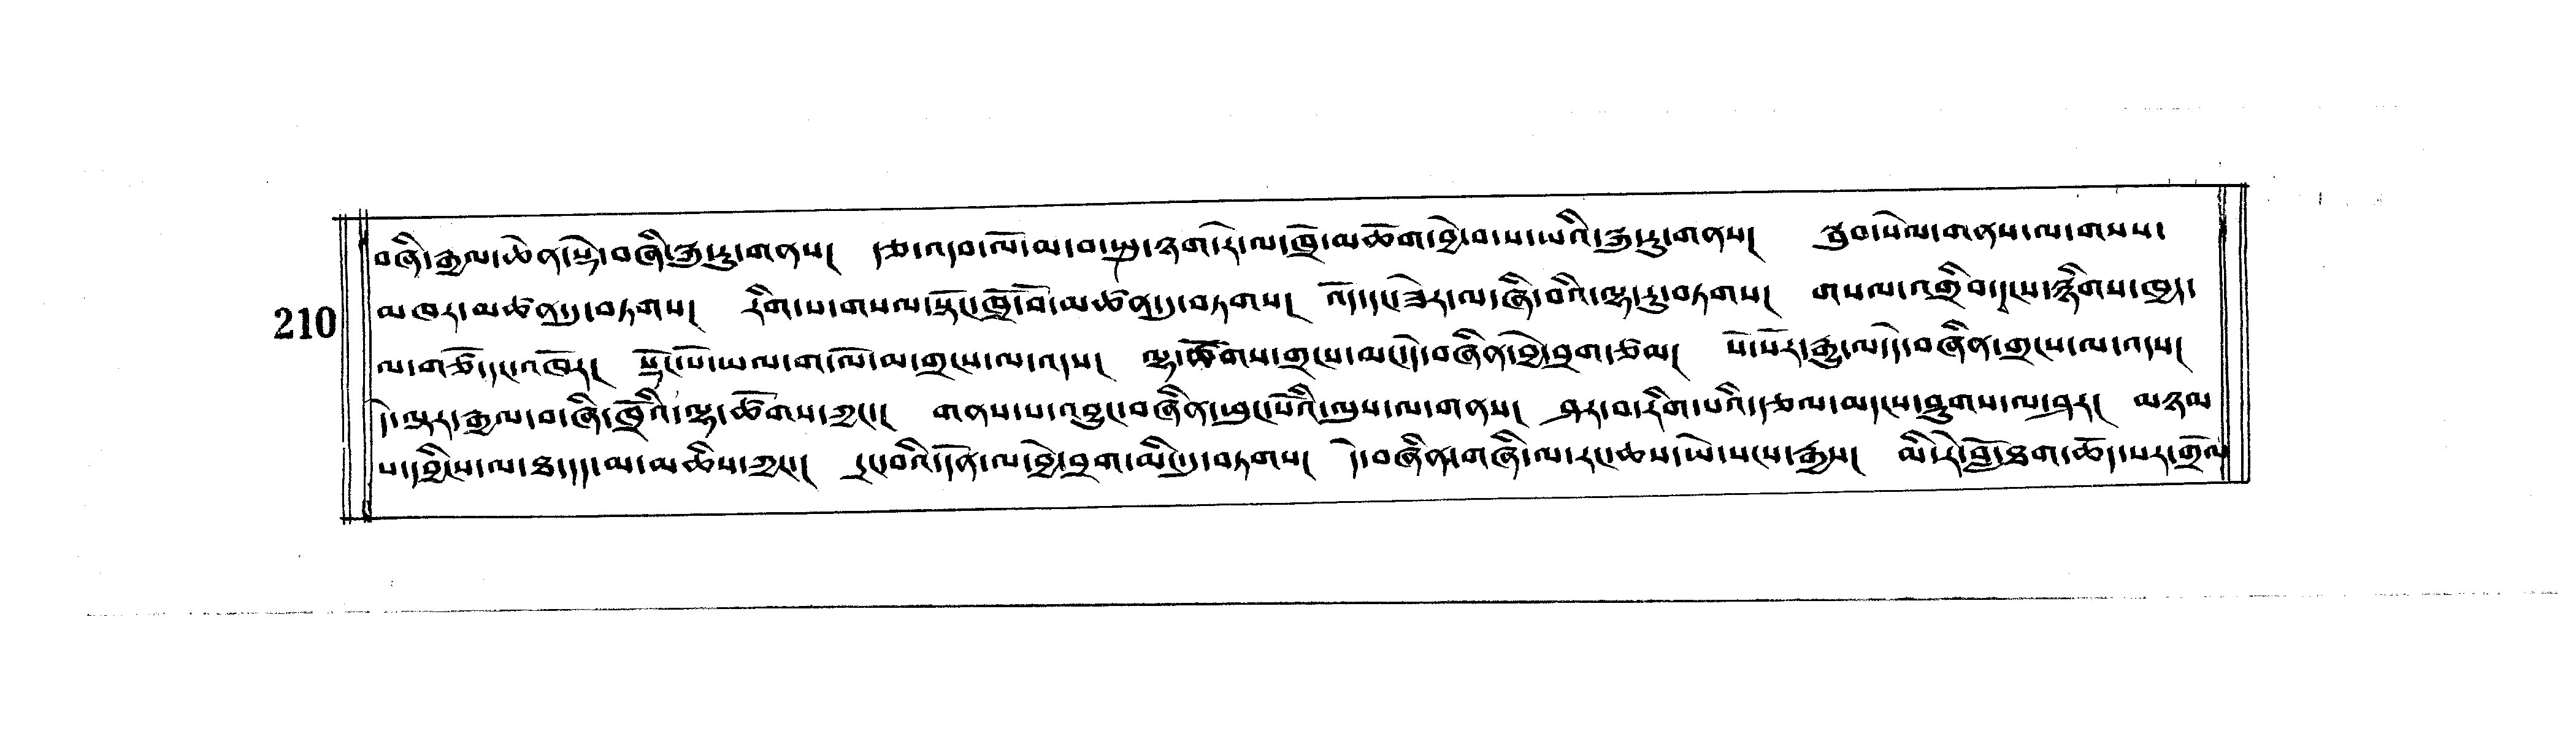བཞི་རྒྱལ་ཆེན་སྡེ་བཞི་སྐུ་རུ་གནས། རྩ་འདབ་ལོ་མ་བ་སྤུ་ཉག་རེ་ལ། ཁྲོ་མཆོག་བྱེ་བ་ས་ཡའི་སྐུ་རུ་གནས། སྦུབས་སེལ་གནས་ལ་གསས་
མཁར་མཚན་དུ་བཏགས། འོད་དང་ཟེར་ལ་ཞི་བའི་ལྷ་རུ་བཏགས། གསལ་འགྲིབ་དྭངས་སྙིགས་ཁྱད་
ལ་གཙོ་དང་འཁོར། སྡོང་པོ་ཡལ་ག་ལོ་མ་གྲངས་ལས་འདས། ལྷ་ཚོགས་གྲངས་མང་དེ་བཞིན་བྱེ་བྲག་ཙམ། སོ་སོར་རྒྱུ་ལ་དེ་བཞིན་གྲངས་ལས་འདས། 
ད་ལྟར་རྒྱལ་བ་ཞི་ཁྲོའི་ལྷ་ཚོགས་ཀྱང་། གནས་པ་འབྱུང་བཞིན་ཕུང་པོའི་ལུས་ལ་གནས། ཤར་བ་རིག་པའི་རྩལ་མདངས་ཤུགས་ལ་ཤར། མཉམ་
པ་དབྱིངས་ལ་ཐ་དད་མ་མཆིས་ཀྱང་། དྲང་བའི་དོན་ལ་བྱེ་བྲག་མིང་དུ་བཏགས། དེ་བཞིན་གཞི་ལ་རང་ཆས་ཡེ་སངས་རྒྱས། མི་རེ་བློ་ཐག་ཆོད་པར་གྲོལ་